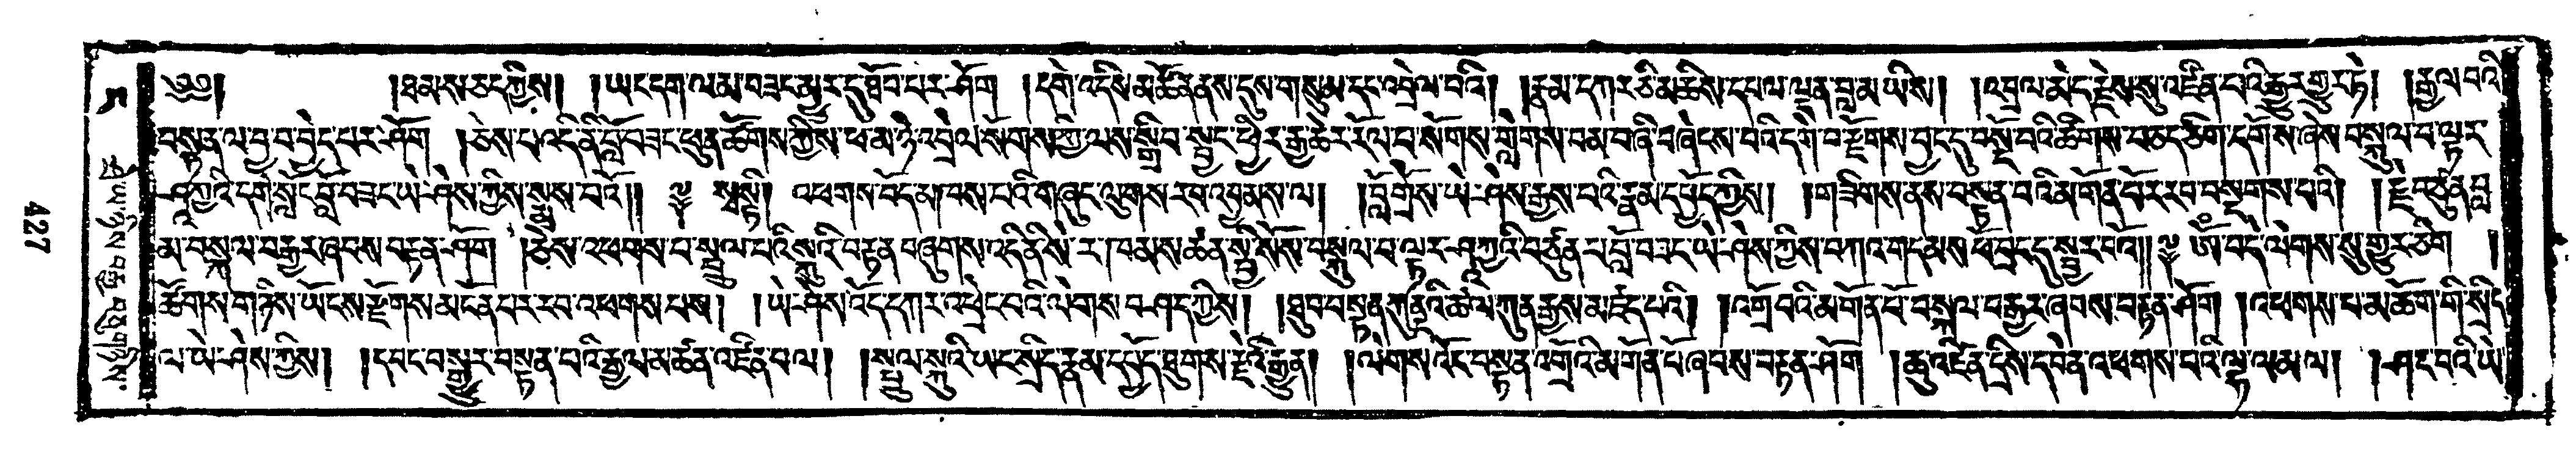༄༅། །ཐམས་ཅད་ཀྱིས། །ཡང་དག་ལམ་བཟང་མྱུར་དུ་ཐོབ་པར་ཤོག །དགེ་འདིས་མཚོན་ནས་དུས་གསུམ་དང་འབྲེལ་བའི། །རྣམ་དཀར་ཅི་མཆིས་དཔལ་ལྡན་བླ་མ་ཡིས། །འབྲལ་མེད་རྗེས་སུ་འཛིན་པའི་རྒྱུར་གྱུར་ཏེ། །རྒྱལ་བའི་
བསྟན་ལ་བྱ་བ་བྱེད་པར་ཤོག །ཅེས་པ་འདི་ནི་བློ་བཟང་ཕུན་ཚོགས་ཀྱིས་ཕ་མ་ཉེ་འབྲེལ་སོགས་ཀྱི་ལས་སྒྲིབ་སྦྱང་ཕྱིར་རྒྱ་ཆེར་རོལ་བ་སོགས་གླེགས་བམ་བཞི་བཞེངས་བའི་དགེ་བ་རྫོགས་བྱང་དུ་བསྔོ་བའི་ཚིགས་བཅད་ཅིག་དགོས་ཞེས་བསྐུལ་བ་ལྟར་
ཤཱཀྱའི་དགེ་སློང་བློ་བཟང་ཡེ་ཤེས་ཀྱིས་སྨྲས་བའོ།། ༈ སྭསྟི། འཕགས་བོད་མཁས་པའི་གཞུང་ལུགས་རབ་འབྱམས་ལ། །བློ་གྲོས་ཡེ་ཤེས་རྒྱས་པའི་རྣམ་དཔྱོད་ཀྱིས། །གཟིགས་ནས་བསྟན་བའི་མགོན་པོར་རབ་བསྔགས་པའི། །རྗེ་བཙུན་བླ་
མ་བསྐལ་བརྒྱར་ཞབས་བརྟན་ཤོག །ཅེས་འཕགས་པ་སྤྲུལ་པའི་སྐུའི་བརྟན་བཞུགས་འདི་ནི་སེ་ར་ཁམས་ཚན་སྤྱི་སོས་བསྐུལ་བ་ལྟར་ཤཱཀྱའི་བཙུན་པ་བློ་བཟང་ཡེ་ཤེས་ཀྱིས་བཀའ་གདམས་ཕོ་བྲང་དུ་སྦྱར་བའོ།། ༈ ཨོཾ་བདེ་ལེགས་སུ་གྱུར་ཅིག །
ཚོགས་གཉིས་ཡོངས་རྫོགས་མངོན་པར་རབ་འཕགས་པས། །ཡེ་ཤེས་འོད་དཀར་འཕྲེང་བའི་ལེགས་བཤད་ཀྱིས། །ཐུབ་བསྟན་ཀུནྡའི་ཚལ་ཀུན་རྒྱས་མཛད་པའི། །འགྲོ་བའི་མགོན་པོ་བསྐལ་བརྒྱར་ཞབས་བརྟན་ཤོག །འཕགས་པ་མཆོག་གི་སྲིད་
ལ་ཡེ་ཤེས་ཀྱིས། །དབང་བསྒྱུར་བསྟན་པའི་རྒྱལ་མཚན་འཛིན་པ་ལ། །སྤྲུལ་སྐུའི་ཡང་སྲིད་རྣམ་དཔྱོད་ཐུགས་རྗེའི་རྒྱུན། །ལེགས་འོང་བསྟན་འགྲོའི་མགོན་པོ་ཞབས་བརྟན་ཤོག །ཆུ་འཛིན་དྲིས་དབེན་འཕགས་པའི་ལྷ་ལམ་ལ། །ཤང་བའི་ཡེ་